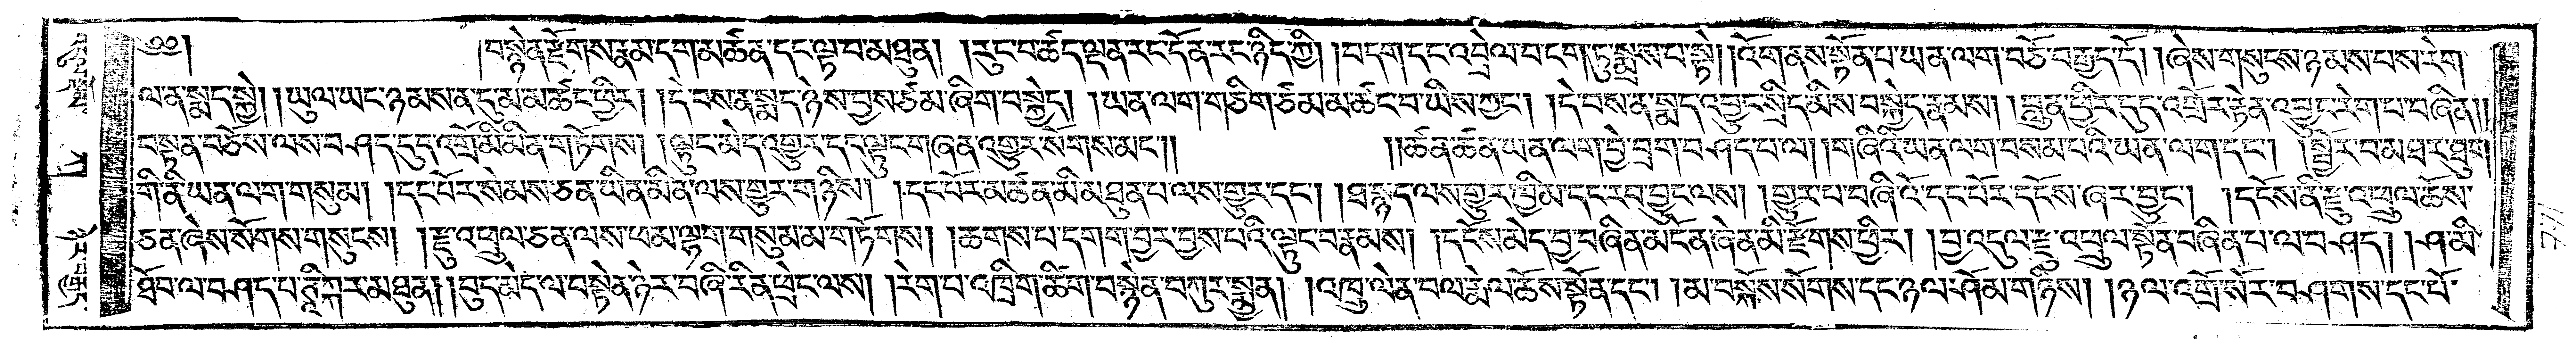༄༅། །བསྙེན་རྫོགས་རྣམ་དག་མཚན་དང་ལྟ་བ་མཐུན། །རུང་བ་ཚད་ལྡན་རང་དོན་རང་ཉིད་ཀྱི། །བདག་དང་འབྲེལ་བ་ངག་ཏུ་སྨྲས་པ་སྟེ། །འོག་ནས་སྟོན་པ་ཡན་ལག་བཅོ་བརྒྱད་དོ། །ཞེས་གསུངས་ཉམས་པས་རེག་
ལན་སྨད་སྐྱེ། །ཡུལ་ཡང་ཉམས་ན་དུ་མ་མཚང་ཕྱིར། །དེ་བས་ན་སྨད་ཉེས་བྱས་ཙམ་ཞིག་བསྐྱེད། །ཡན་ལག་གཅིག་ཙམ་མ་ཚང་བ་ཡིས་ཀྱང་། །དེ་བས་ན་སྨད་འབྱུང་སྲིད་མིས་བསྐྱེད་རྣམས། །བླུན་ཕྱིར་དུད་འགྲོར་རྟེན་འབྱུང་རེག་པ་བཞིན།།
བསྟན་བཅོས་ལས་བཤད་དུད་འགྲོ་མི་མིན་གཏོགས། །ལྟུང་མེད་འགྱུར་དང་ལྟུང་གཞན་འགྱུར་སོགས་མང།། །།ཚན་ཚན་ཡན་ལག་བྱེ་བྲག་བཤད་པ་ལ། །གཞིའི་ཡན་ལག་བསམ་པའི་ཡན་ལག་དང་། །སྦྱོར་བ་མཐར་ཐུག་
གི་ནི་ཡན་ལག་གསུམ། །དང་པོར་སེམས་ཅན་ཡིན་མིན་ལས་གྱུར་གཉིས། །དང་པོར་མཚན་མི་མཐུན་པ་ལས་གྱུར་དང་། །ཐ་སྙད་ལས་གྱུར་ཁྱིམ་དང་རབ་བྱུང་ལས། །གྱུར་པ་བཞི་འོ་དང་པོར་དངོས་ཞར་བྱུང་། །དངོས་ནི་རྫུ་འཕྲུལ་ཆོས་
ཅན་ཞེས་སོགས་གསུངས། །རྫུ་འཕྲུལ་ཅན་ལས་ཕམ་ལྷག་གསུམ་མ་གཏོགས། །ཆགས་པ་དགག་བྱར་བྱས་པའི་ལྟུང་བ་རྣམས། །དངོས་མེད་བྱ་བཞིན་མངོན་ཞེན་མི་རྫོགས་ཕྱིར། །བྱ་འདུལ་རྫུ་འཕྲུལ་སྟོན་བཞིན་པ་ལ་བཤད། །ཤ་མི་
ཐོབ་ལ་བཤད་པ་ཊཱིཀྐར་མཐུན། །བུད་མེད་ལ་བསྟེན་ཉེར་བཞི་རིན་ཕྲེང་ལས། །རེག་པ་འཁྲིག་ཚིག་བསྙེན་བཀུར་སྨྱན། །འཁྲུལ་ལེན་བལ་རྨེལ་ཆོས་སྟོན་དང་། །མ་བསྐོས་སོགས་དང་ཉལ་ཤོམ་གཉིས། །ཉལ་འགྲོ་སོར་བཤགས་དང་པོ་